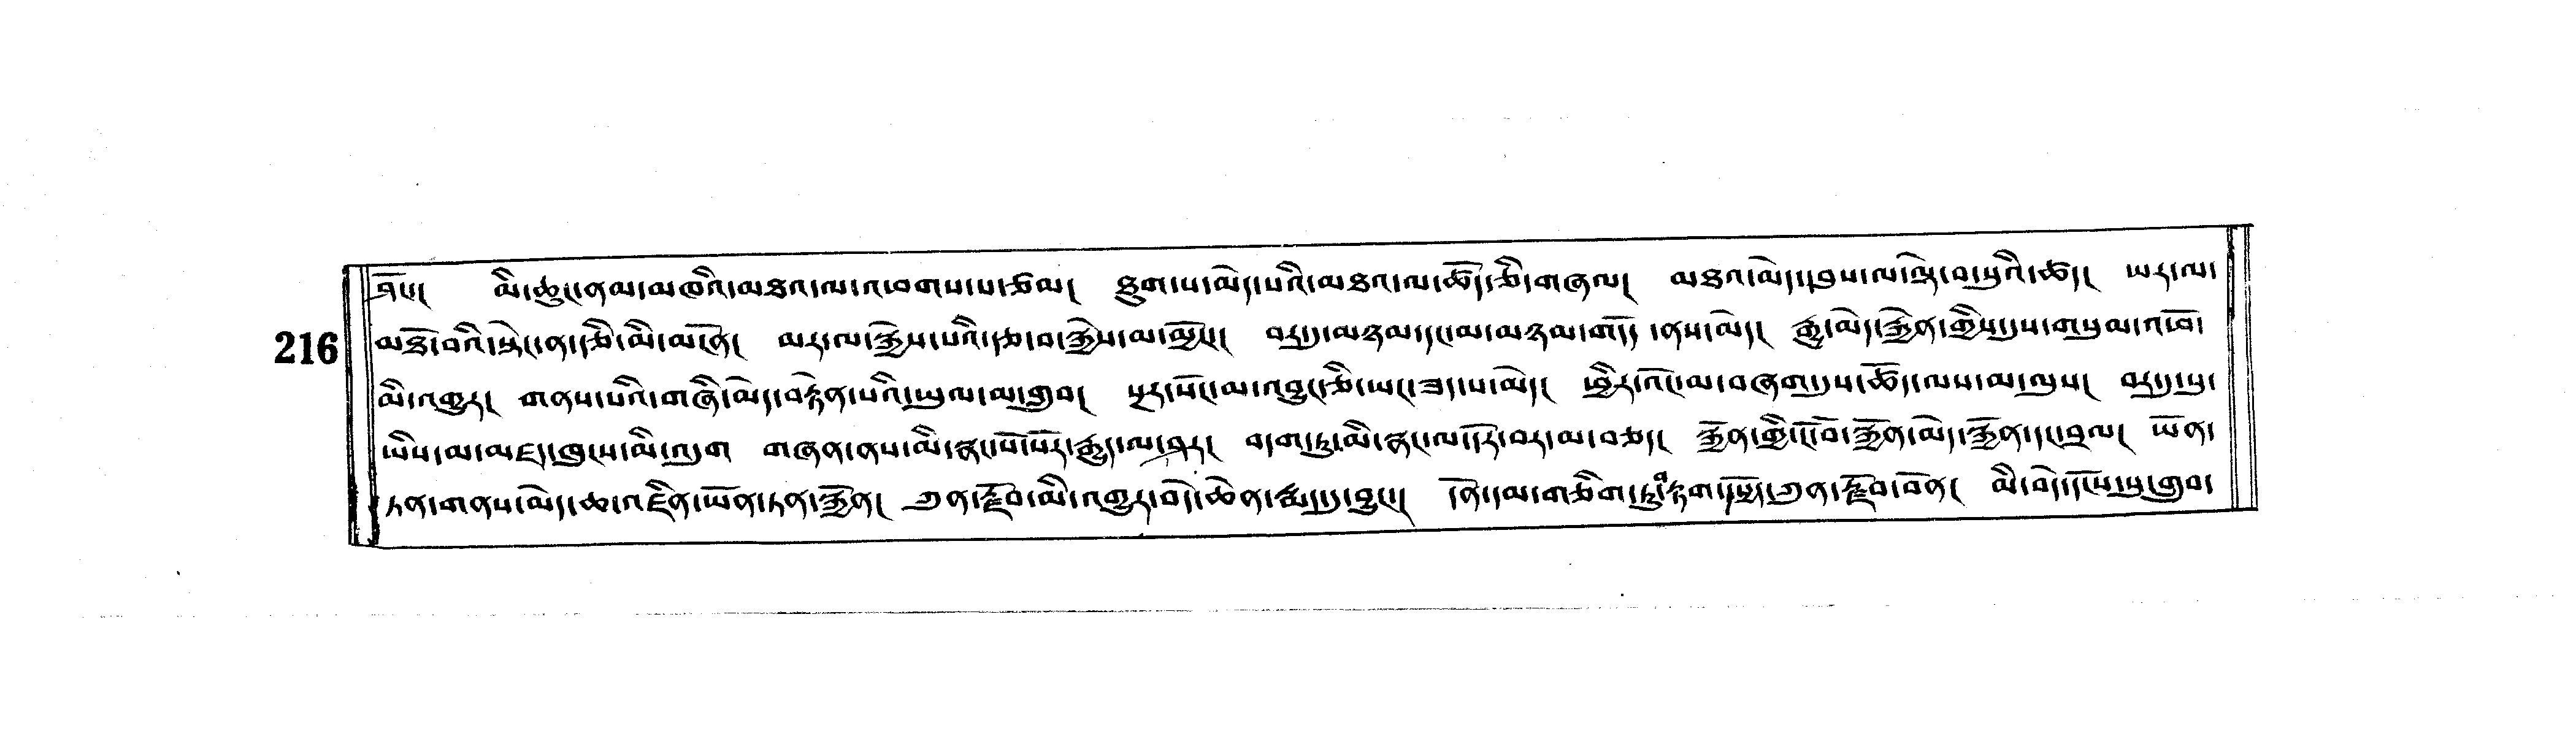ཤོང་། མི་ཆུང་ནམ་མཁའི་མཐའ་ལ་འཕགས་པ་ཙམ། ཐུག་པ་མེད་པའི་མཐའ་ལ་ཚོད་ཅི་གཞལ། མཐའ་མེད་དབུས་ལ་ལྟེ་བ་སུ་ཡིས་ཚད། ཡར་ལ་
མཐོ་བའི་སྟེང་ན་རྩེ་མི་མངོན། མར་ལ་སྐྱེས་པའི་རྩ་བ་སྐྱེས་མ་མྱོང་། བར་དུ་མཉམ་དང་མ་མཉམ་གདོད་ནས་མེད། རྒྱུ་མེད་རྐྱེན་གྱིས་དུས་གསུམ་འཕོ་
མི་འགྱུར། གནས་པའི་གཞི་མེད་རྟེན་པའི་ཡུལ་ལ་གྲུབ། སྔར་སོང་མ་འབྱུང་ཅི་ཡང་ཟད་པ་མེད། ཕྱིར་འོང་མ་བཞག་དུས་ཚོད་ལས་མ་ལུས། བར་དུ་སུ་
ཡིས་མ་མཛད་ཁུངས་མི་འདུག གཞན་ནས་མི་སྣང་སོ་སོར་རྒྱུད་ལ་ཤར། བདག་ཏུ་མི་སྣང་ལ་དོར་བར་མ་བཅད། སྐྱོན་གྱི་ངོ་བོ་སྐྱོན་མེད་སྐྱོན་དང་བྲལ། ཡོན་
ཏན་གནས་མེད་ཆ་འཛིན་ཡོན་ཏན་སྐྱོན། ཀུན་རྫོབ་མི་འགྱུར་བདེ་ཆེན་རྨད་དུ་བྱུང་། དོན་དམ་གཅིག་ཏུ་བརྟག་དཔྱོད་ཀུན་རྫོབ་བོན། མི་བདེ་དངོས་སུ་གྲུབ་མེད་